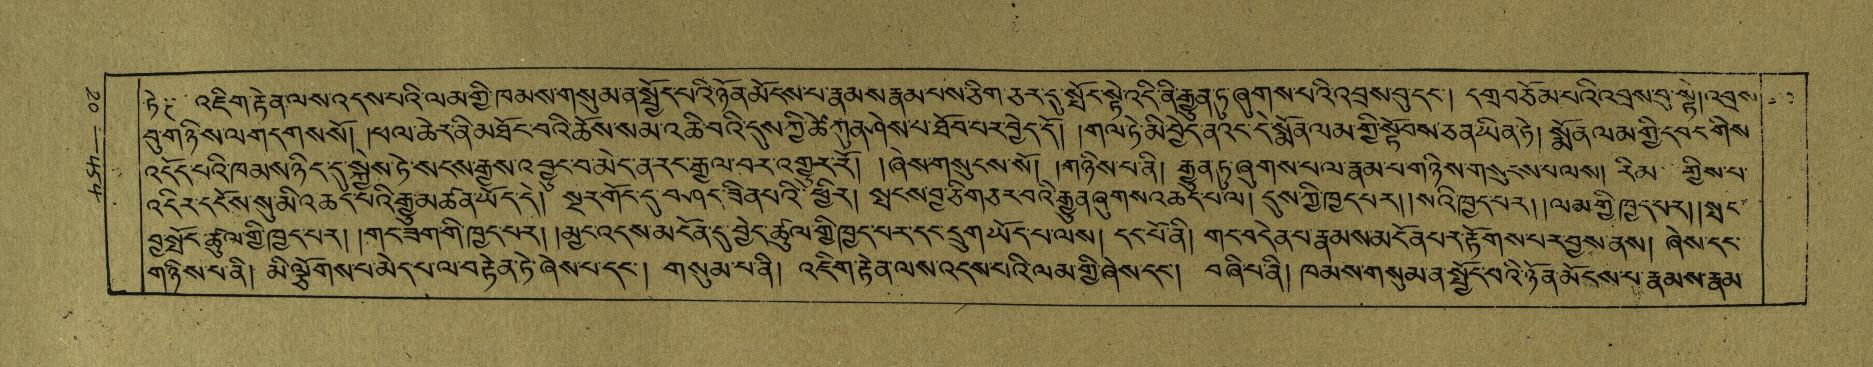ཏེ༑ འཇིག་རྟེན་ལས་འདས་པའི་ལམ་གྱི་ཁམས་གསུམ་ན་སྤྱོད་པའི་ཉོན་མོངས་པ་རྣམས་རྣམ་པས་ཅིག་ཅར་དུ་སྤོང་སྟེ་འདི་ནི་རྒྱུན་ཏུ་ཞུགས་པའི་འབྲས་བུ་དང་། དགྲ་བཅོམ་པའི་འབྲས་བུ་སྟེ། འབྲས་
བུ་གཉིས་ལ་གདགས་སོ། །ཕལ་ཆེར་ནི་མཐོང་བའི་ཆོས་སམ་འཆི་བའི་དུས་ཀྱི་ཚེ་ཀུན་ཤེས་པ་ཐོབ་པར་བྱེད་དོ། །གལ་ཏེ་མི་བྱེད་ནའང་དེ་སྨོན་ལམ་གྱི་སྟོབས་ཅན་ཡིན་ཏེ། སྨོན་ལམ་གྱི་དབང་གིས་
འདོད་པའི་ཁམས་ཉིད་དུ་སྐྱེས་ཏེ་སངས་རྒྱས་འབྱུང་བ་མེད་ན་རང་རྒྱལ་བར་འགྱུར་རོ། །ཞེས་གསུངས་སོ། །གཉིས་པ་ནི། རྒྱུན་ཏུ་ཞུགས་པ་ལ་རྣམ་པ་གཉིས་གསུངས་པ་ལས། རིམ་གྱིས་པ་
འདིར་དངོས་སུ་མི་འཆད་པའི་རྒྱུ་མཚན་ཡོད་དེ། སྔར་གོང་དུ་བཤད་ཟིན་པའི་ཕྱིར། སྤངས་བྱ་ཅིག་ཅར་བའི་རྒྱུན་ཞུགས་འཆད་པ་ལ། དུས་ཀྱི་ཁྱད་པར། །སའི་ཁྱད་པར། །ལམ་གྱི་ཁྱད་པར། །སྤང་
བྱ་སྤོང་ཚུལ་གྱི་ཁྱད་པར། །གང་ཟག་གི་ཁྱད་པར། །མྱང་འདས་མངོན་དུ་བྱེད་ཚུལ་གྱི་ཁྱད་པར་དང་དྲུག་ཡོད་པ་ལས། དང་པོ་ནི། གང་བདེན་པ་རྣམས་མངོན་པར་རྟོགས་པར་བྱས་ནས། ཞེས་དང་
གཉིས་པ་ནི། མི་ལྕོགས་པ་མེད་པ་ལ་བརྟེན་ཏེ་ཞེས་པ་དང་། གསུམ་པ་ནི། འཇིག་རྟེན་ལས་འདས་པའི་ལམ་གྱི་ཞེས་དང་། བཞི་པ་ནི། ཁམས་གསུམ་ན་སྤྱོད་པའི་ཉོན་མོངས་པ་རྣམས་རྣམ་